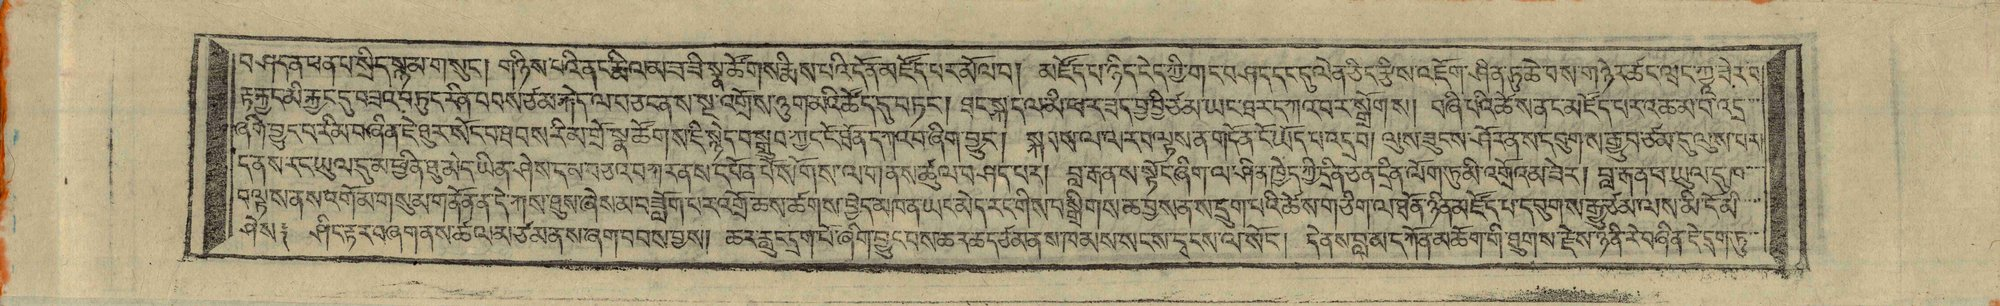བཤད་ན་ཕན་པ་སྲིད་སྙམ་གསུང་། གཉིས་པའི་ནང་རྨི་ལམ་ཟ་ཟི་སྣ་ཚོགས་རྨིས་པའི་དོན་མཛོད་པར་མོལ་བ། མཛོད་པ་ཉིད་ངེད་ཀྱི་གང་བཤད་དང་དུ་ལེན་ཅིང་རྩིས་འཇོག་ཤིན་ཏུ་ཆེ་བས་གཉེར་ཚང་ཝང་ཀྱཱ་ཟེར་བ་
རྟ་རྐྱང་མི་རྐྱང་དུ་བཟའ་བཏུང་རིན་བབས་ཙམ་རྐེད་ལ་བཅང་ནས་སྔ་འགྲོས་ཉུག་མའི་ཚོད་དུ་བཏང་། ཐང་སྐད་ལ་མི་ཕར་ཟད་བྱ་བྱི་ཙམ་ཡང་ཐར་དཀའ་བར་སྒྲོགས། བཞི་པའི་ཚེས་ནང་མཛོད་པར་འཆམ་པ་འདྲ་
ཞིག་བྱུང་བ་རིམ་བཞིན་ཇེ་ཐུར་སོང་བ་ཐབས་རིམ་གྲོ་སྣ་ཚོགས་ཇི་སྙེད་བསྒྲུབ་ཀྱང་ངོ་ཐོན་དཀའ་བ་ཞིག་བྱུང་། སྐབས་ལ་ལར་བལྟས་ན་གདོན་ངོ་ཡོད་པ་འདྲ་བ། ལུས་ཟུངས་ཤོར་ནས་དབུགས་རྒྱུ་བཙམ་དུ་ལུས་པར་
ད་ནས་རང་ཡུལ་དུ་མ་ཕྱིན་ཐུ་མེད་ཡིན་ཤེས་དམ་བཅའ་བཀར་ནས་དཔོན་པོ་སོགས་ལ་གནས་ཚུལ་བཤད་པར། བླ་རྒན་ས་སྟོང་ཞིག་ལ་ཤིན་ཁྱེད་ཀྱི་དྲིན་ཅན་དྲིན་ལོག་ཏུ་མི་འགྲོའམ་ཟེར། བླ་རྒན་ཕ་ཡུལ་དུ་ཁ་
བལྟས་ནས་འགོམ་གསུམ་གནོན་ན་དེ་ཀས་ཐུས་ཞེས་མ་བཟློག་པར་འགྲོ་ཆས་ཚགས་བྱེད་མཁན་ཡང་མེད་རང་གིས་བསྒྲིགས་ཆ་བྱས་ནས་དྲུག་པའི་ཚེས་གཅིག་ལ་ཐོན་ཉིན་མཛོད་པ་དབུགས་རྒྱུ་ཙམ་ལས་མི་ངོ་མི་
ཤེས། ཤིང་རྟར་བཞག་ནས་ཚ་ལམ་ཙམ་ནས་ཞག་བབས་བྱས། ཆར་རླུང་དྲག་པོ་ཞིག་བྱུང་བས་ཆར་ཆད་ཙམ་ནས་ཁམས་སངས་དྭངས་ལ་སོང་། དེ་ནས་བླ་མ་དཀོན་མཆོག་གི་ཐུགས་རྗེས་ཉིན་རེ་བཞིན་ཇེ་དྲག་ཏུ་